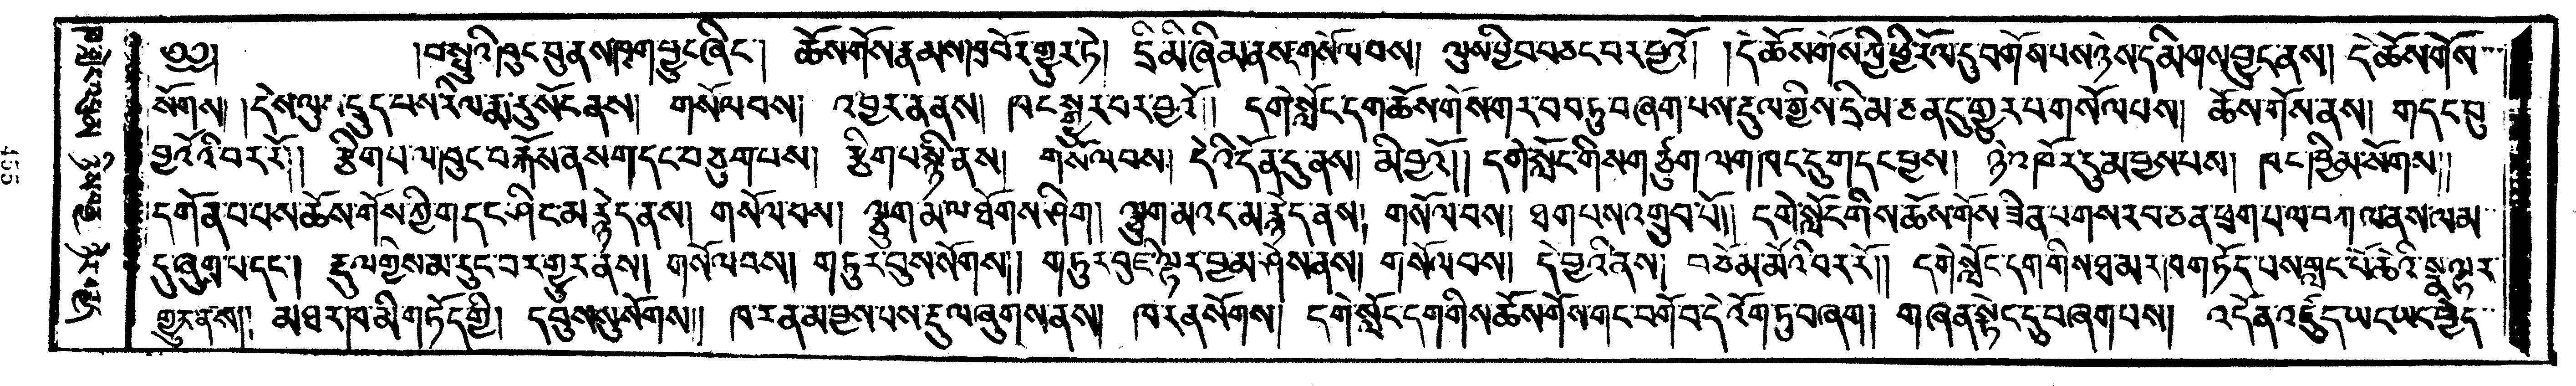༄༅། །བ་སྤུའི་ཁུང་བུ་ནས་ཁག་བྱུག་ཞིང་། ཆོས་གོས་རྣམས་ཁྲ་བོར་གྱུར་ཏེ། དྲི་མི་ཞིམ་ནས་གསོལ་བས། ལུས་བྱིབ་བཅང་བར་བྱའོ། །དེ་ཆོས་གོས་ཀྱི་ཕྱི་རོལ་དུ་བགོས་པས་ཉེས་དམིགས་བྱུང་ནས། དེ་ཆོས་གོས་
སོགས། །དེས་ལུས་དྲུད་པས་རིལ་རྨ་རུ་སོང་ནས། གསོལ་བས༑ འབྱར་ན་ནས། ཁང་སྒྱུར་བར་བྱའོ།། དགེ་སློང་དག་ཆོས་གོས་གར་བབ་ཏུ་བཞག་པས་རྡུལ་གྱིས་དྲི་མ་ཅན་དུ་གྱུར་པ་གསོལ་པས། ཆོས་གོས་ནས། གདང་བུ་
བྱའོའི་བར་རོ།། རྩིག་པ་ལ་ཁུང་བརྐོས་ནས་གདང་བཅུག་པས། རྩིག་པ་སྙི་ནས། གསོལ་བས། དེའི་དོན་དུ་ནས། མི་བྱའོ། །དགེ་སློང་གིས་གཙུག་ལག་ཁང་དུ་གདང་བྱས། ཉེ་འཁོར་དུ་མ་བྱས་པས། ཁང་ཁྱིམ་སོགས།།
དགོན་པ་པས་ཆོས་གོས་ཀྱི་གདང་ཤིང་མ་རྙེད་ནས། གསོལ་བས། ལྕུག་མ་ལ་ཐོགས་ཤིག། ལྕུག་མའང་མ་རྙེད་ནས། གསོལ་བས། ཐག་པས་འགྲུབ་པོ།། དགེ་སློང་གིས་ཆོས་གོས་ཟིན་པ་གསར་བ་ཅན་ཕྲག་པ་ལ་བཀལ་ནས་ལམ་
དུ་ཞུགས་པ་དང་། རྡུལ་གྱིས་མ་རུང་བར་གྱུར་ནས། གསོལ་བས། གཏུར་བུས་སོགས།། གཏུར་བུ་ཇི་ལྟར་བྱ་མ་ཤེས་ནས། གསོལ་བས། དེ་བྱའི་ནས། བཅོམ་མོའི་བར་རོ། །དགེ་སློང་དག་གིས་ཐ་མར་ཁ་གཏོད་པས་གླང་པོ་ཆེའི་སྣ་ལྷར་
གྱུར་ནས།། མཐར་ཁ་མི་གཏོད་གྱི། དབུས་སུ་སོགས།། ཁ་རན་མ་བྱས་པས་རྡུལ་ཞུགས་ནས། ཁ་རན་སོགས། དགེ་སློང་དག་གིས་ཆོས་གོས་གང་བགོ་བ་དེའོ་གཏུ་བཞག། གཞན་སྟེང་དུ་བཞག་པས། འདོན་འཛུད་ཡང་ཡང་བྱེད་